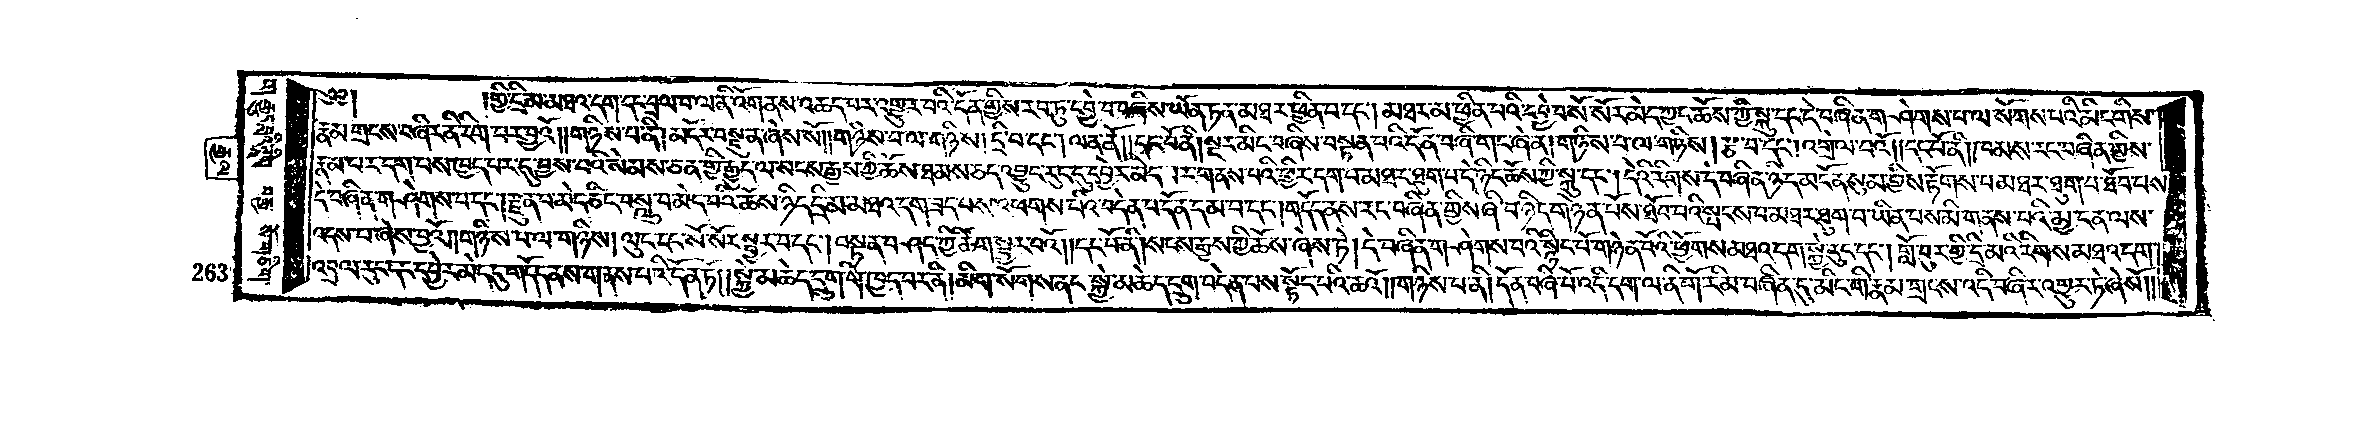༄༅། །གྱི་དྲི་མ་མཐའ་དག་དང་བྲལ་བ་ལ་ནི་འོག་ནས་འཆད་པར་འགྱུར་བའི་དོན་གྱིས་རབ་ཏུ་དབྱེ་བ་བཞིས་ཡོན་ཏན་མཐར་ཕྱིན་པ་དང་། མཐར་མ་ཕྱིན་པའི་དབྱེ་བ་སོ་སོར་མེད་ཀྱང་ཆོས་ཀྱི་སྐུ་དང་དེ་བཞིན་གཤེགས་པ་ལ་སོགས་པའི་མིང་གིས་
རྣམ་གྲངས་བཞིར་ནི་རིག་པར་བྱའོ། །གཉིས་པ་ནི། མདོར་བསྡུ་ན་ཞེས་སོ། །གཉིས་པ་ལ་གཉིས། དྲི་བ་དང་། ལན་ནོ། །དང་པོ་ནི། སྔར་མིང་བཞིས་བསྟན་པའི་དོན་བཞི་གང་ཞེ་ན། གཉིས་པ་ལ་གཉིས། རྩ་བ་དང་། འགྲེལ་པའོ། །དང་པོ་ནི། ཁམས་རང་བཞིན་གྱིས་
རྣམ་པར་དག་པས་ཁྱད་པར་དུ་བྱས་པའི་སེམས་ཅན་གྱི་རྒྱུད་ལ་སངས་རྒྱས་ཀྱི་ཆོས་ཐམས་ཅད་འབྱུང་རུང་དུ་དབྱེར་མེད་པར་གནས་པའི་ཕྱིར་དག་པ་མཐར་ཐུག་པ་དེ་ཉིད་ཆོས་ཀྱི་སྐུ་དང་། དེའི་རིགས་དེ་བཞིན་ཉིད་མངོན་སུམ་གྱིས་རྟོགས་པ་མཐར་ཐུག་པ་ཐོབ་པས་
དེ་བཞིན་གཤེགས་པ་དང་། རྫུན་པ་མེད་ཅིང་བསླུ་བ་མེད་པའི་ཆོས་ཉིད་དྲི་མ་མཐའ་དག་ཟད་པས་འཕགས་པའི་བདེན་པ་དོན་དམ་པ་དང་། གདོད་ནས་རང་བཞིན་གྱིས་ཞི་བ་ཉིད་གཉེན་པོས་ཐོབ་པའི་སྤངས་པ་མཐར་ཐུག་པ་ཡིན་པས་མི་གནས་པའི་མྱ་ངན་ལས་
འདས་པ་ཞེས་བྱའོ། །གཉིས་པ་ལ་གཉིས། ལུང་དང་སོ་སོར་སྦྱར་བ་དང་། བསྟན་བཤད་ཀྱི་ཚིག་སྦྱར་བའོ། །དང་པོ་ནི། སངས་རྒྱས་ཀྱི་ཆོས་ཞེས་ཏེ། དེ་བཞིན་གཤེགས་པའི་སྙིང་པོ་གཉེན་པོའི་ཕྱོགས་མཐའ་དག་སྐྱེ་རུང་དང་། གློ་བུར་གྱི་དྲི་མའི་རིགས་མཐའ་དག་
འབྲལ་རུང་དང་དབྱེར་མེད་དུ་གདོད་ནས་གནས་པའི་དོན་ཏོ། །སྐྱེ་མཆེད་དྲུག་གི་ཁྱད་པར་ནི། མིག་སོགས་ནང་སྐྱེ་མཆེད་དྲུག་བདེན་པས་སྟོང་བའི་ཆའོ། །གཉིས་པ་ནི། དོན་བཞི་པོ་འདི་དག་ལ་ནི་གོ་རིམ་བཞིན་དུ་མིང་གི་རྣམ་གྲངས་འདི་བཞིར་འགྱུར་ཏེ་ཞེས་སོ། །